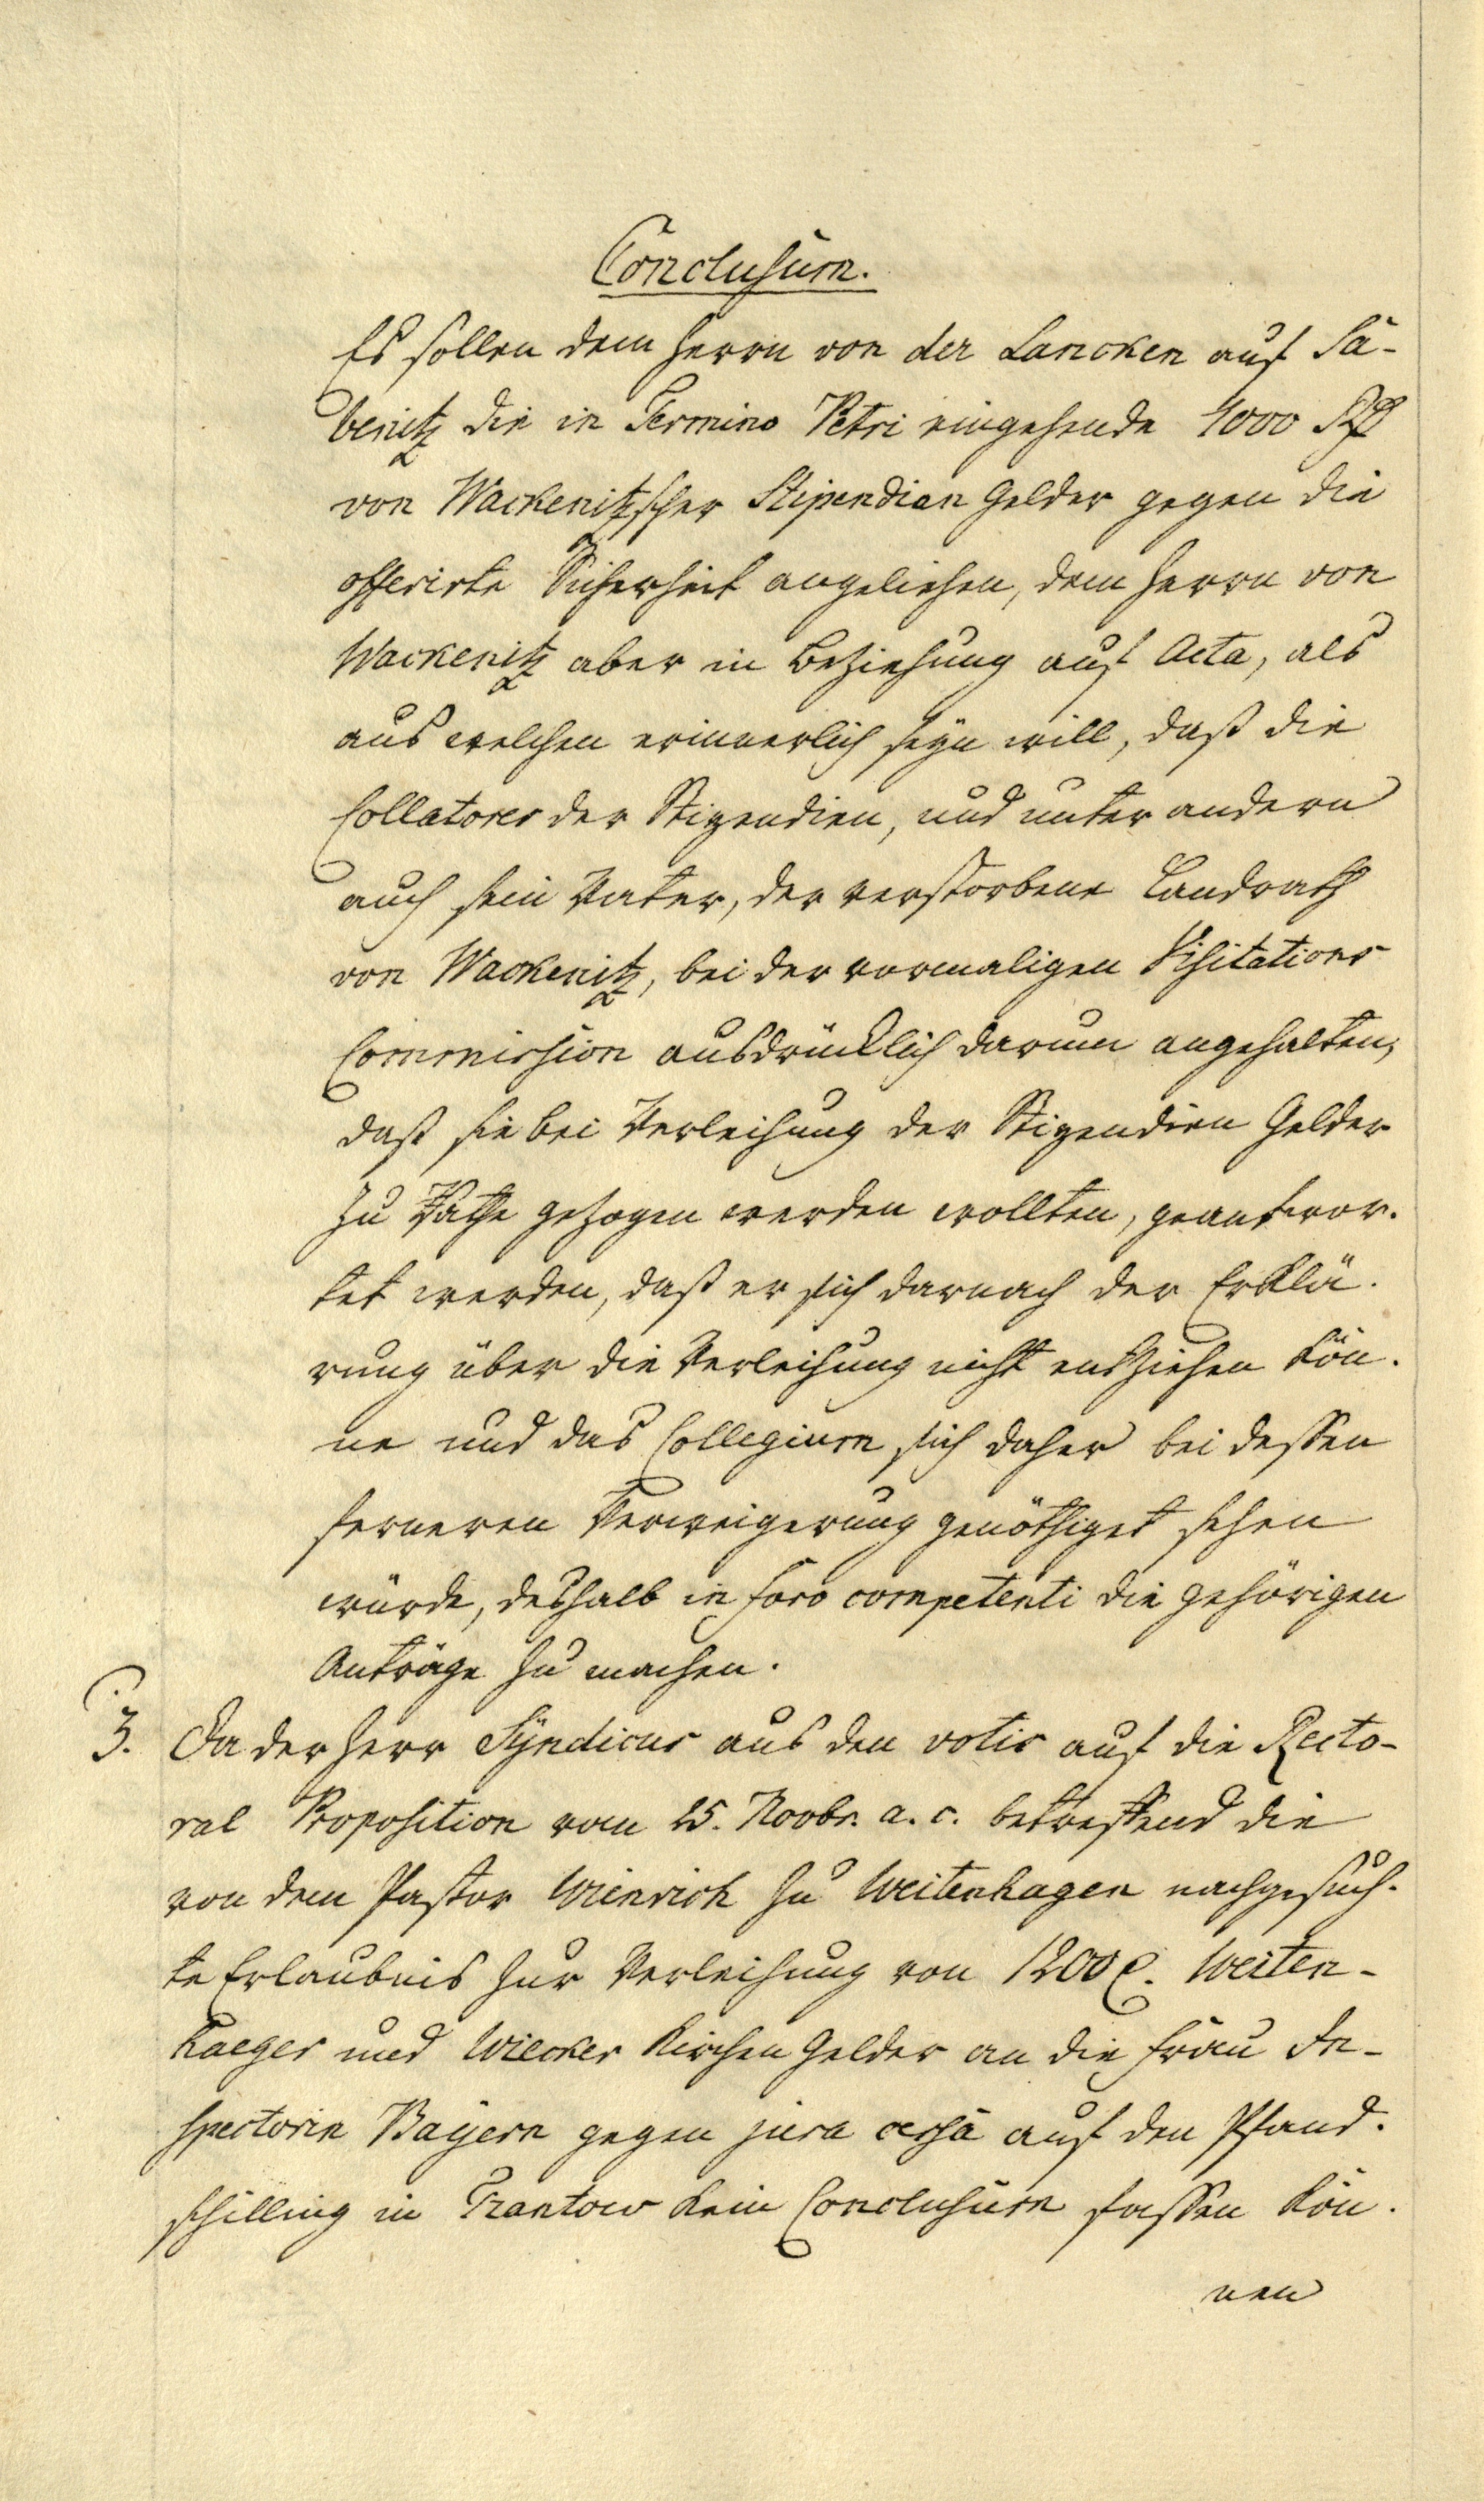Conclusum.
Es sollen dem Herrn von der Lancken auf Sa¬
benitz die in Termino Petri eingehende 1000 Rt.
von Wackenitzscher Stipendien Gelder gegen die
offerirte Sicherheit angeliehen, dem Herrn von
Wackenitz aber in Beziehung auf Acta, als
aus welchen erinnerlich seÿn will, daß die
Collatores der Stipendien, und unter andern
auch sein Vater, der verstorbene Landrath
von Wackenitz, bei der vormaligen Visitations
Commission ausdrücklich darum angehalten,
daß sie bei Verleihung der Stipendien Gelder
zu Rathe gezogen werden wollten, geantwor¬
tet werden, daß er sich darnach der Erklä¬
rung über die Verleihung nicht entziehen kön-
ne und das Collegium sich daher bei dessen
ferneren Verweigerung genöthiget sehen
würde, deshalb in foro competenti die gehörigen
Anträge zu machen.
3. Da der Herr Sÿndicus aus den votis auf die Recto¬
ral Proposition vom 25. Novbr. a. c. betreffend die
von dem Pastor Wienrich zu Weitenhagen nachgesuch¬
te Erlaubnis zur Verleihung von 1200 l. Weiten¬
haeger und Wiecker Kirchen Gelder an die Frau In¬
spectorin Baÿerm gegen jura cessa auf den Pfand¬
schilling in Trantow kein Conclusum fassen kön¬
nen